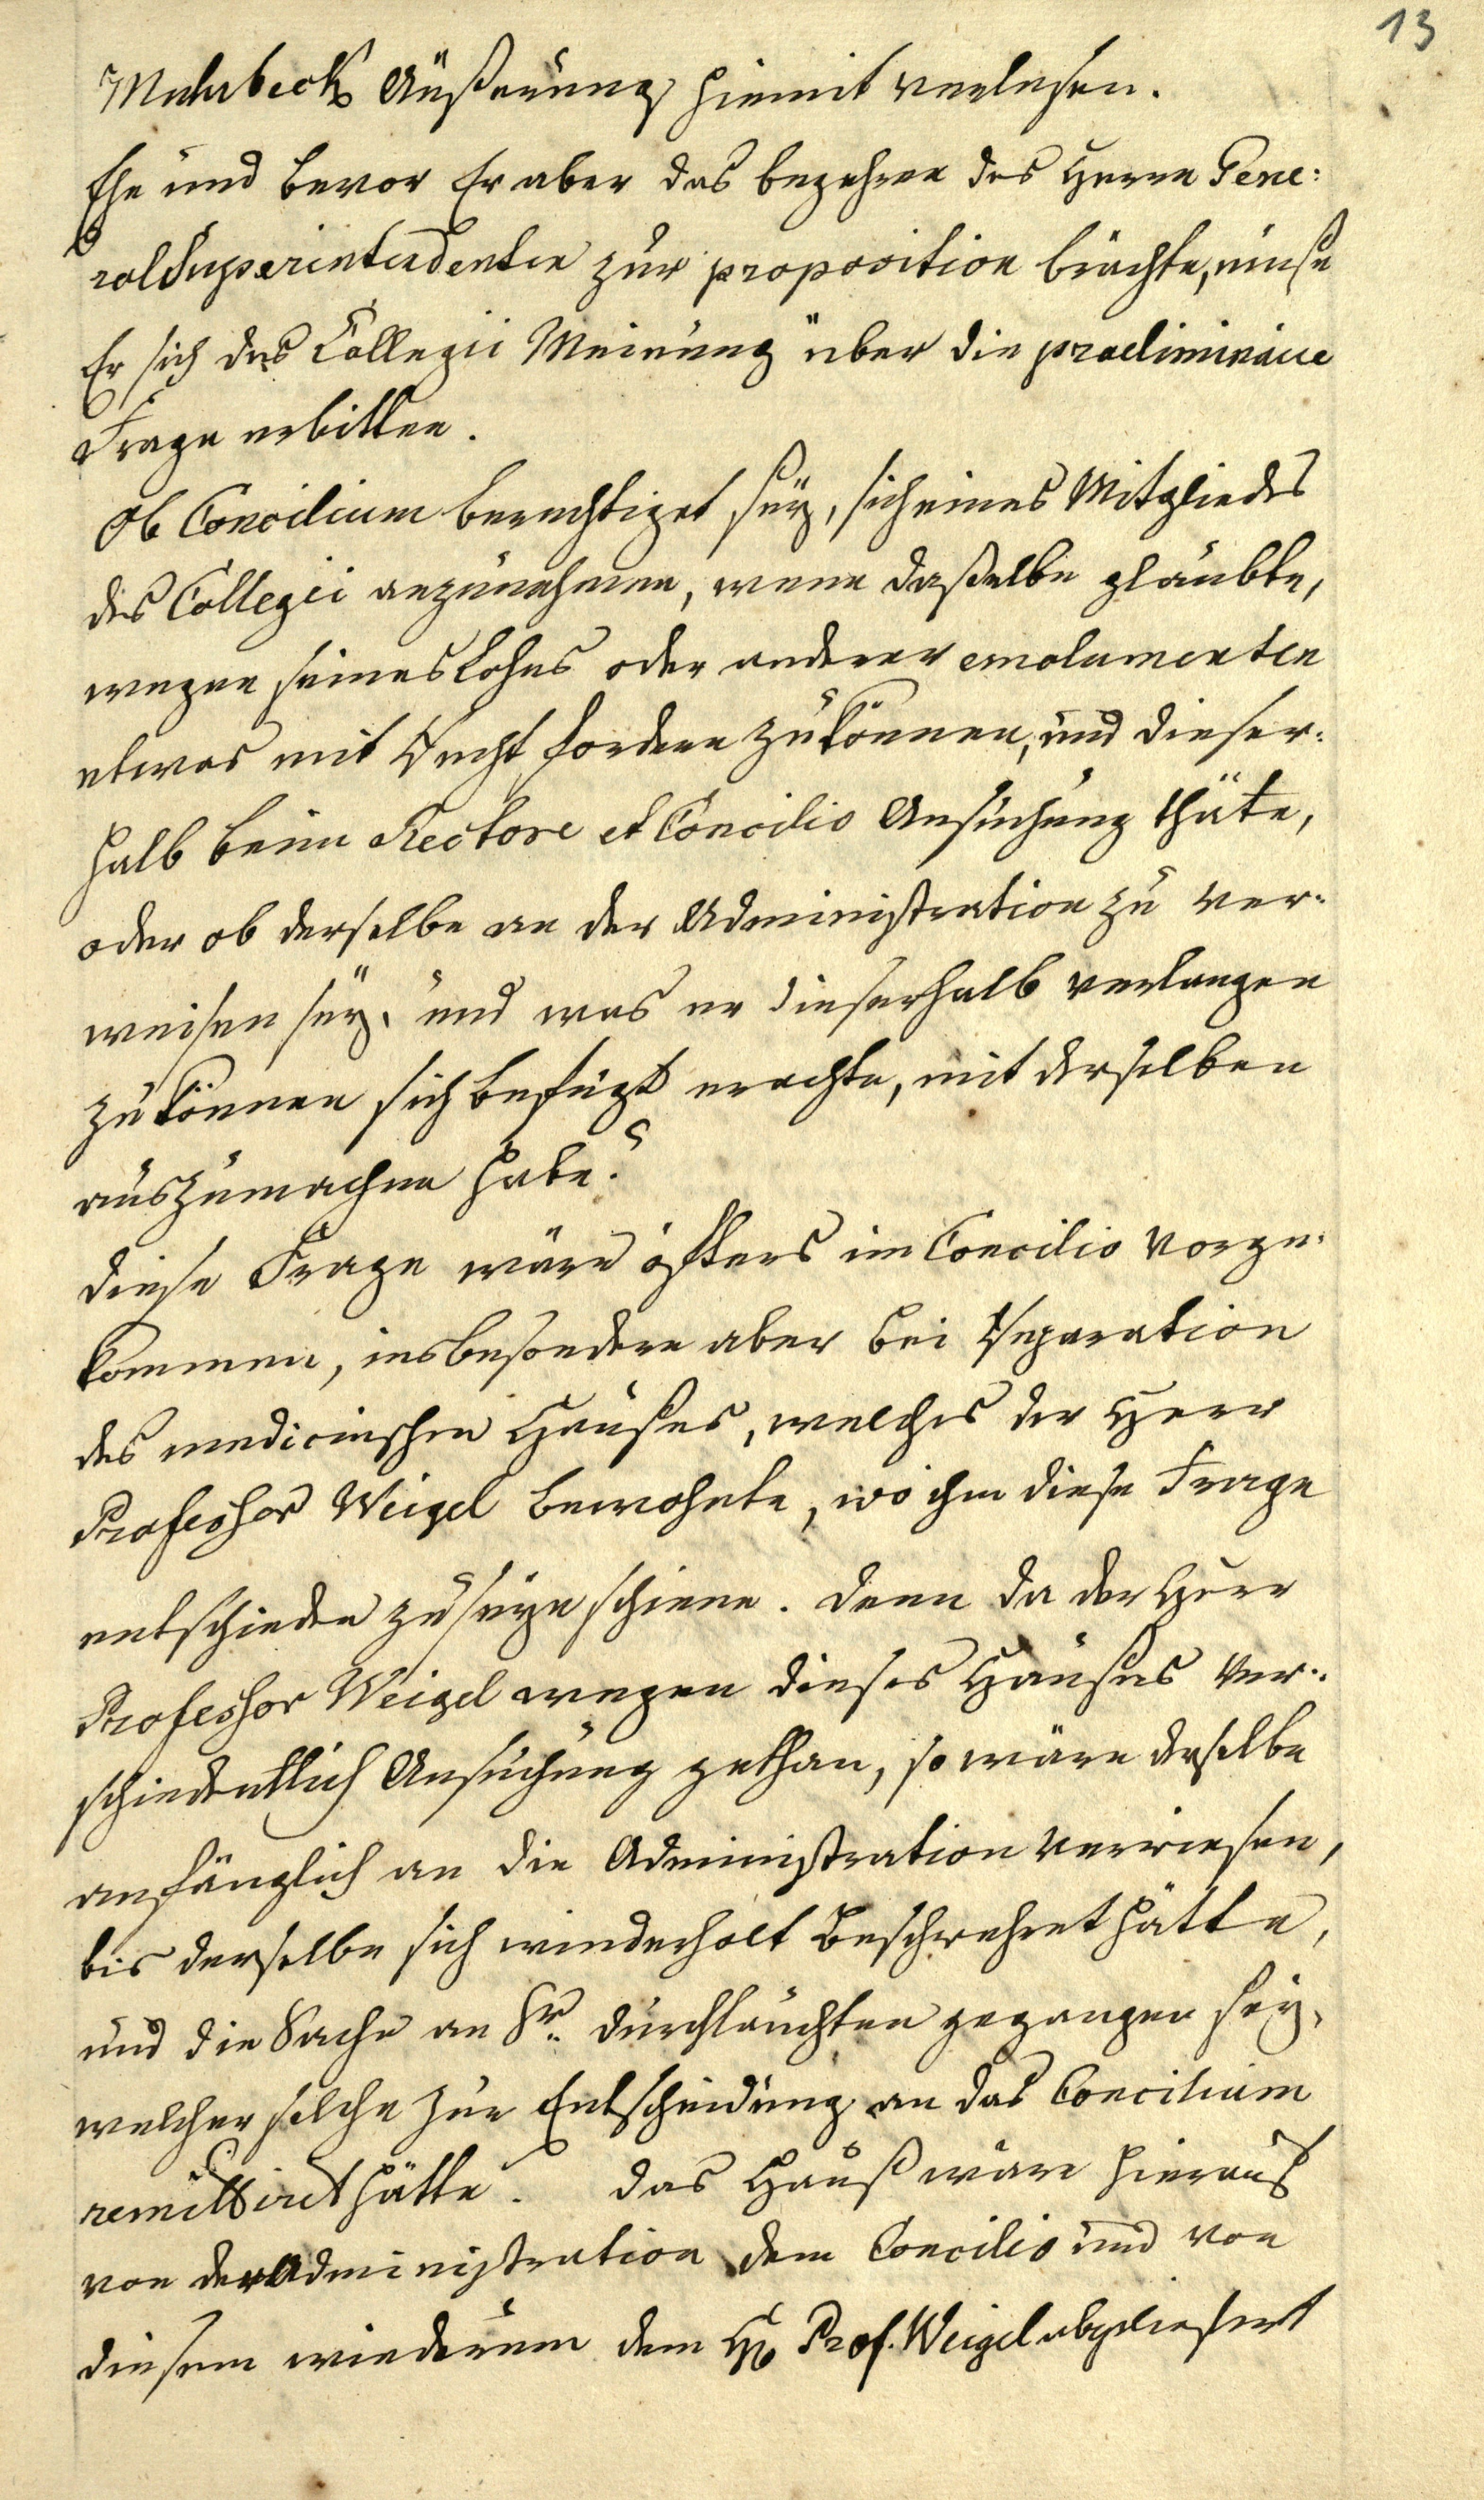Muhrbeck Äußerung hiemit verlesen.
Ehe und bevor Er aber das begehren des Herrn Gene¬
ralSuperintendenten zur proposition brächte, müße
Er sich des Collegii Meinung über die praeliminaire
Frage erbitten.
Ob Concilium berechtiget seÿ, sich eines Mitgliedes
des Collegii anzunehmen, wenn daßelbe glaubte,
wegen seines Lohns oder anderer emolumenten
etwas mit Recht fordern zu können, und dieser¬
halb beim Rectore et Concilio Ansuchung thäte,
oder ob derselbe an der Administration zu ver¬
weisen seÿ, und was er dieserhalb verlangen
zu können sich befugt erachte, mit derselben
auszumachen habe?
Diese Frage wäre öfters im Concilio vorge¬
kommen, insbesondere aber bei Reparation
des medicinischen Haußes, welches der Herr
Professor Weigel bewohnte, wo ihm diese Frage
entschieden zu seÿn schiene. Denn da der Herr
Professor Weigel wegen dieses Haußes ver¬
schiedentlich Ansuchung gethan, so wäre derselbe
anfänglich an die Administration verwiesen,
bis derselbe sich wiederholt beschwehret hätte,
und die Sache an Sr Durchlauchten gegangen seÿ,
welcher solche zur Entscheidung an das Concilium
remittiret hätte. das Hauß wäre hierauf
von der Administration dem Concilio und von
diesem wiederum dem H. Prof. Weigel abgeliefert